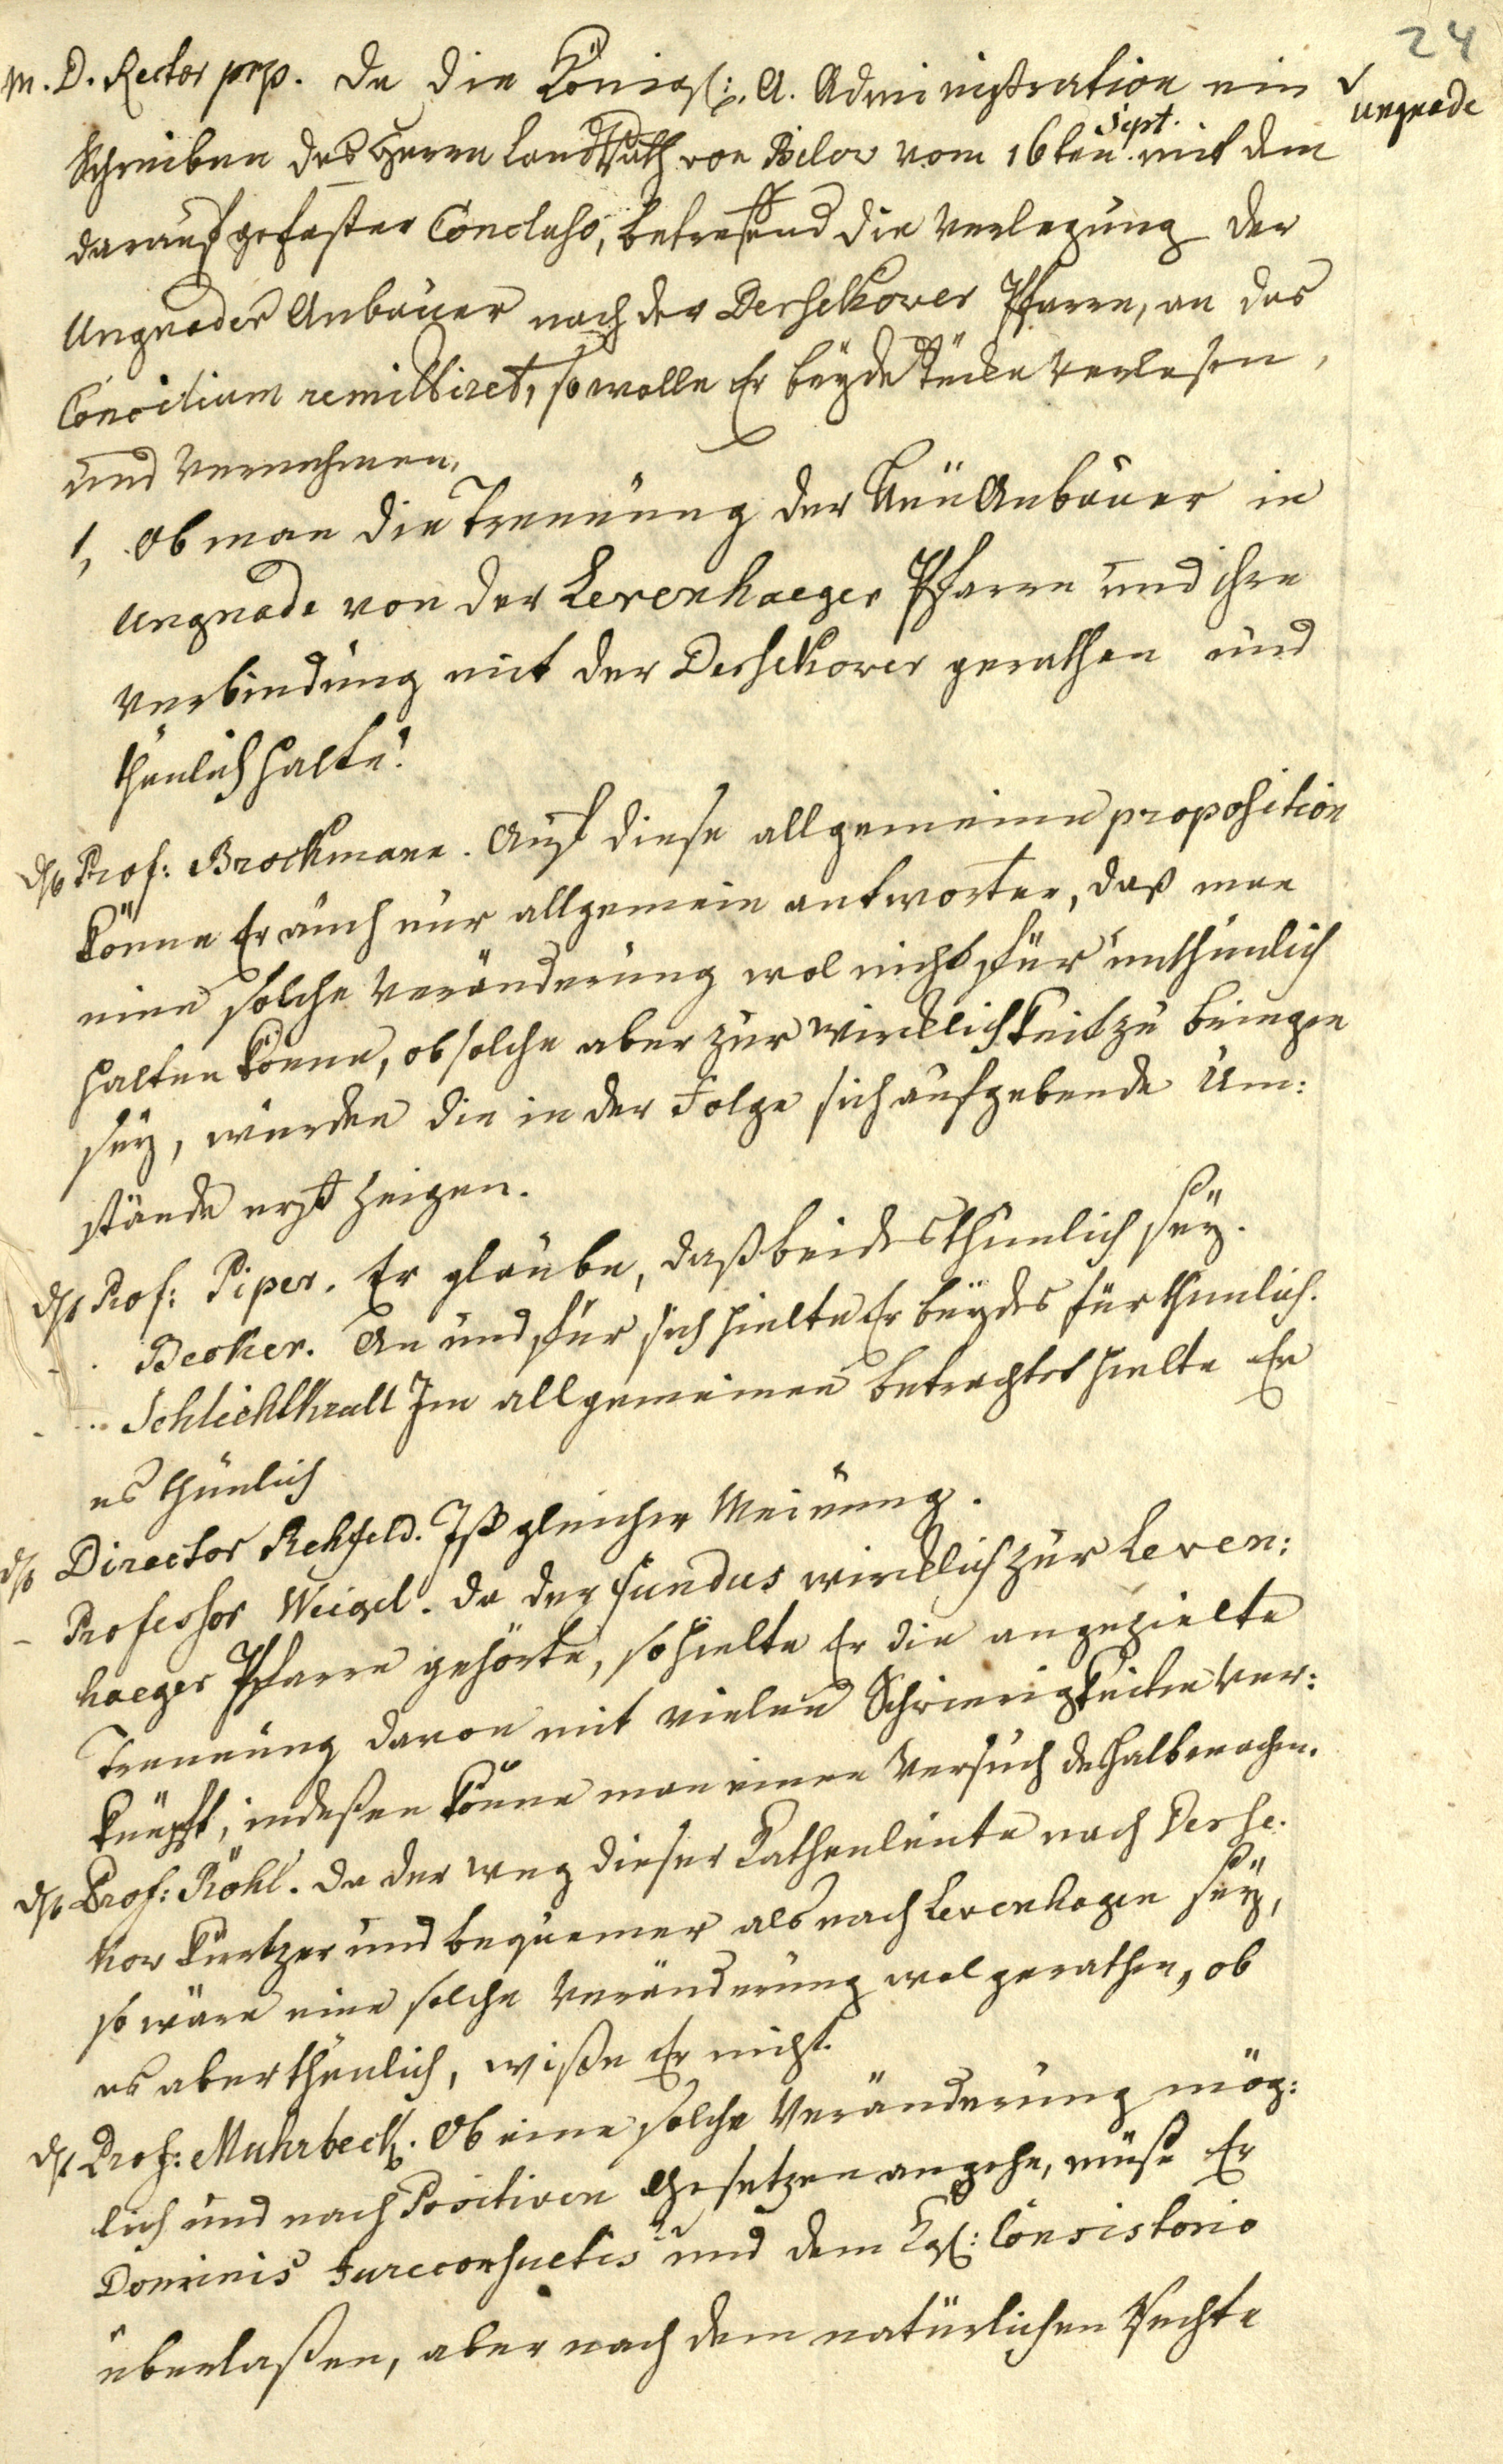M. D. Rector prp. Da die Königl. A. Administration ein
Schreiben des Herrn LandRath von Bilow vom b16ten Sept. dem
darauf gefasten Conclusi, betreffend die Verlegung der
Ungnader Anbauer nach der Dersekower Pfarre, an das
Concilium remittiret, so wolle Er beÿde Stücke verlesen,
die vernehmen,
1, Ob man die Trennung der Neu Anbauer in
Ungnade von der Levenhaeger Pfarre und ihre
Verbindung mit der Dersekower gerathen und
thunlich halte?
dh Prof. Brockmann. Auf diese allgemeine proposition
könne Er auch nur allgemein antworten, daß man
eine solche Veränderung wol nicht für unthunlich
halten könne, ob solche aber zur Wircklichkeit zu bringen
seÿ, würden die in der Folge sich aufgebende Um¬
stände erst zeigen.
dh Prof. Piper. Er glaube, daß beides thunlich seÿ.
Becker. An und für sich hielte Er beÿdes für thunlich.
Schlichtkrull Im allgemeinen betrachtet hielte Er
es thunlich
dh. Director Rehfeld. Ist gleicher Meinung.
Professor Weigel. Da der Fundus wircklich zur Leven¬
haeger Pfarre gehörte, so hielte Er die angezielte
Trennung davon mit vielen Schwierigkeiten ver¬
knüpft, indeßen könne man einen Versuch deshalb machen.
dh Prof. Röhl. Da der Weg dieser Kathenleute nach Derse¬
kow kürtzer und bequemer als nach Levenhagen seÿ,
so wäre eine solche Veränderung wol gerathen, ob
es aber thunlich, wiße Er nicht.
dh. Prof. Muhrbeck. Ob eine solche Veränderung mög¬
lich und nach Positiven Gesetzen angehe, müße Er
Dominis Jureconsultis und dem Kgl. Consistorio
überlaßen, aber nach dem natürlichen Rechte